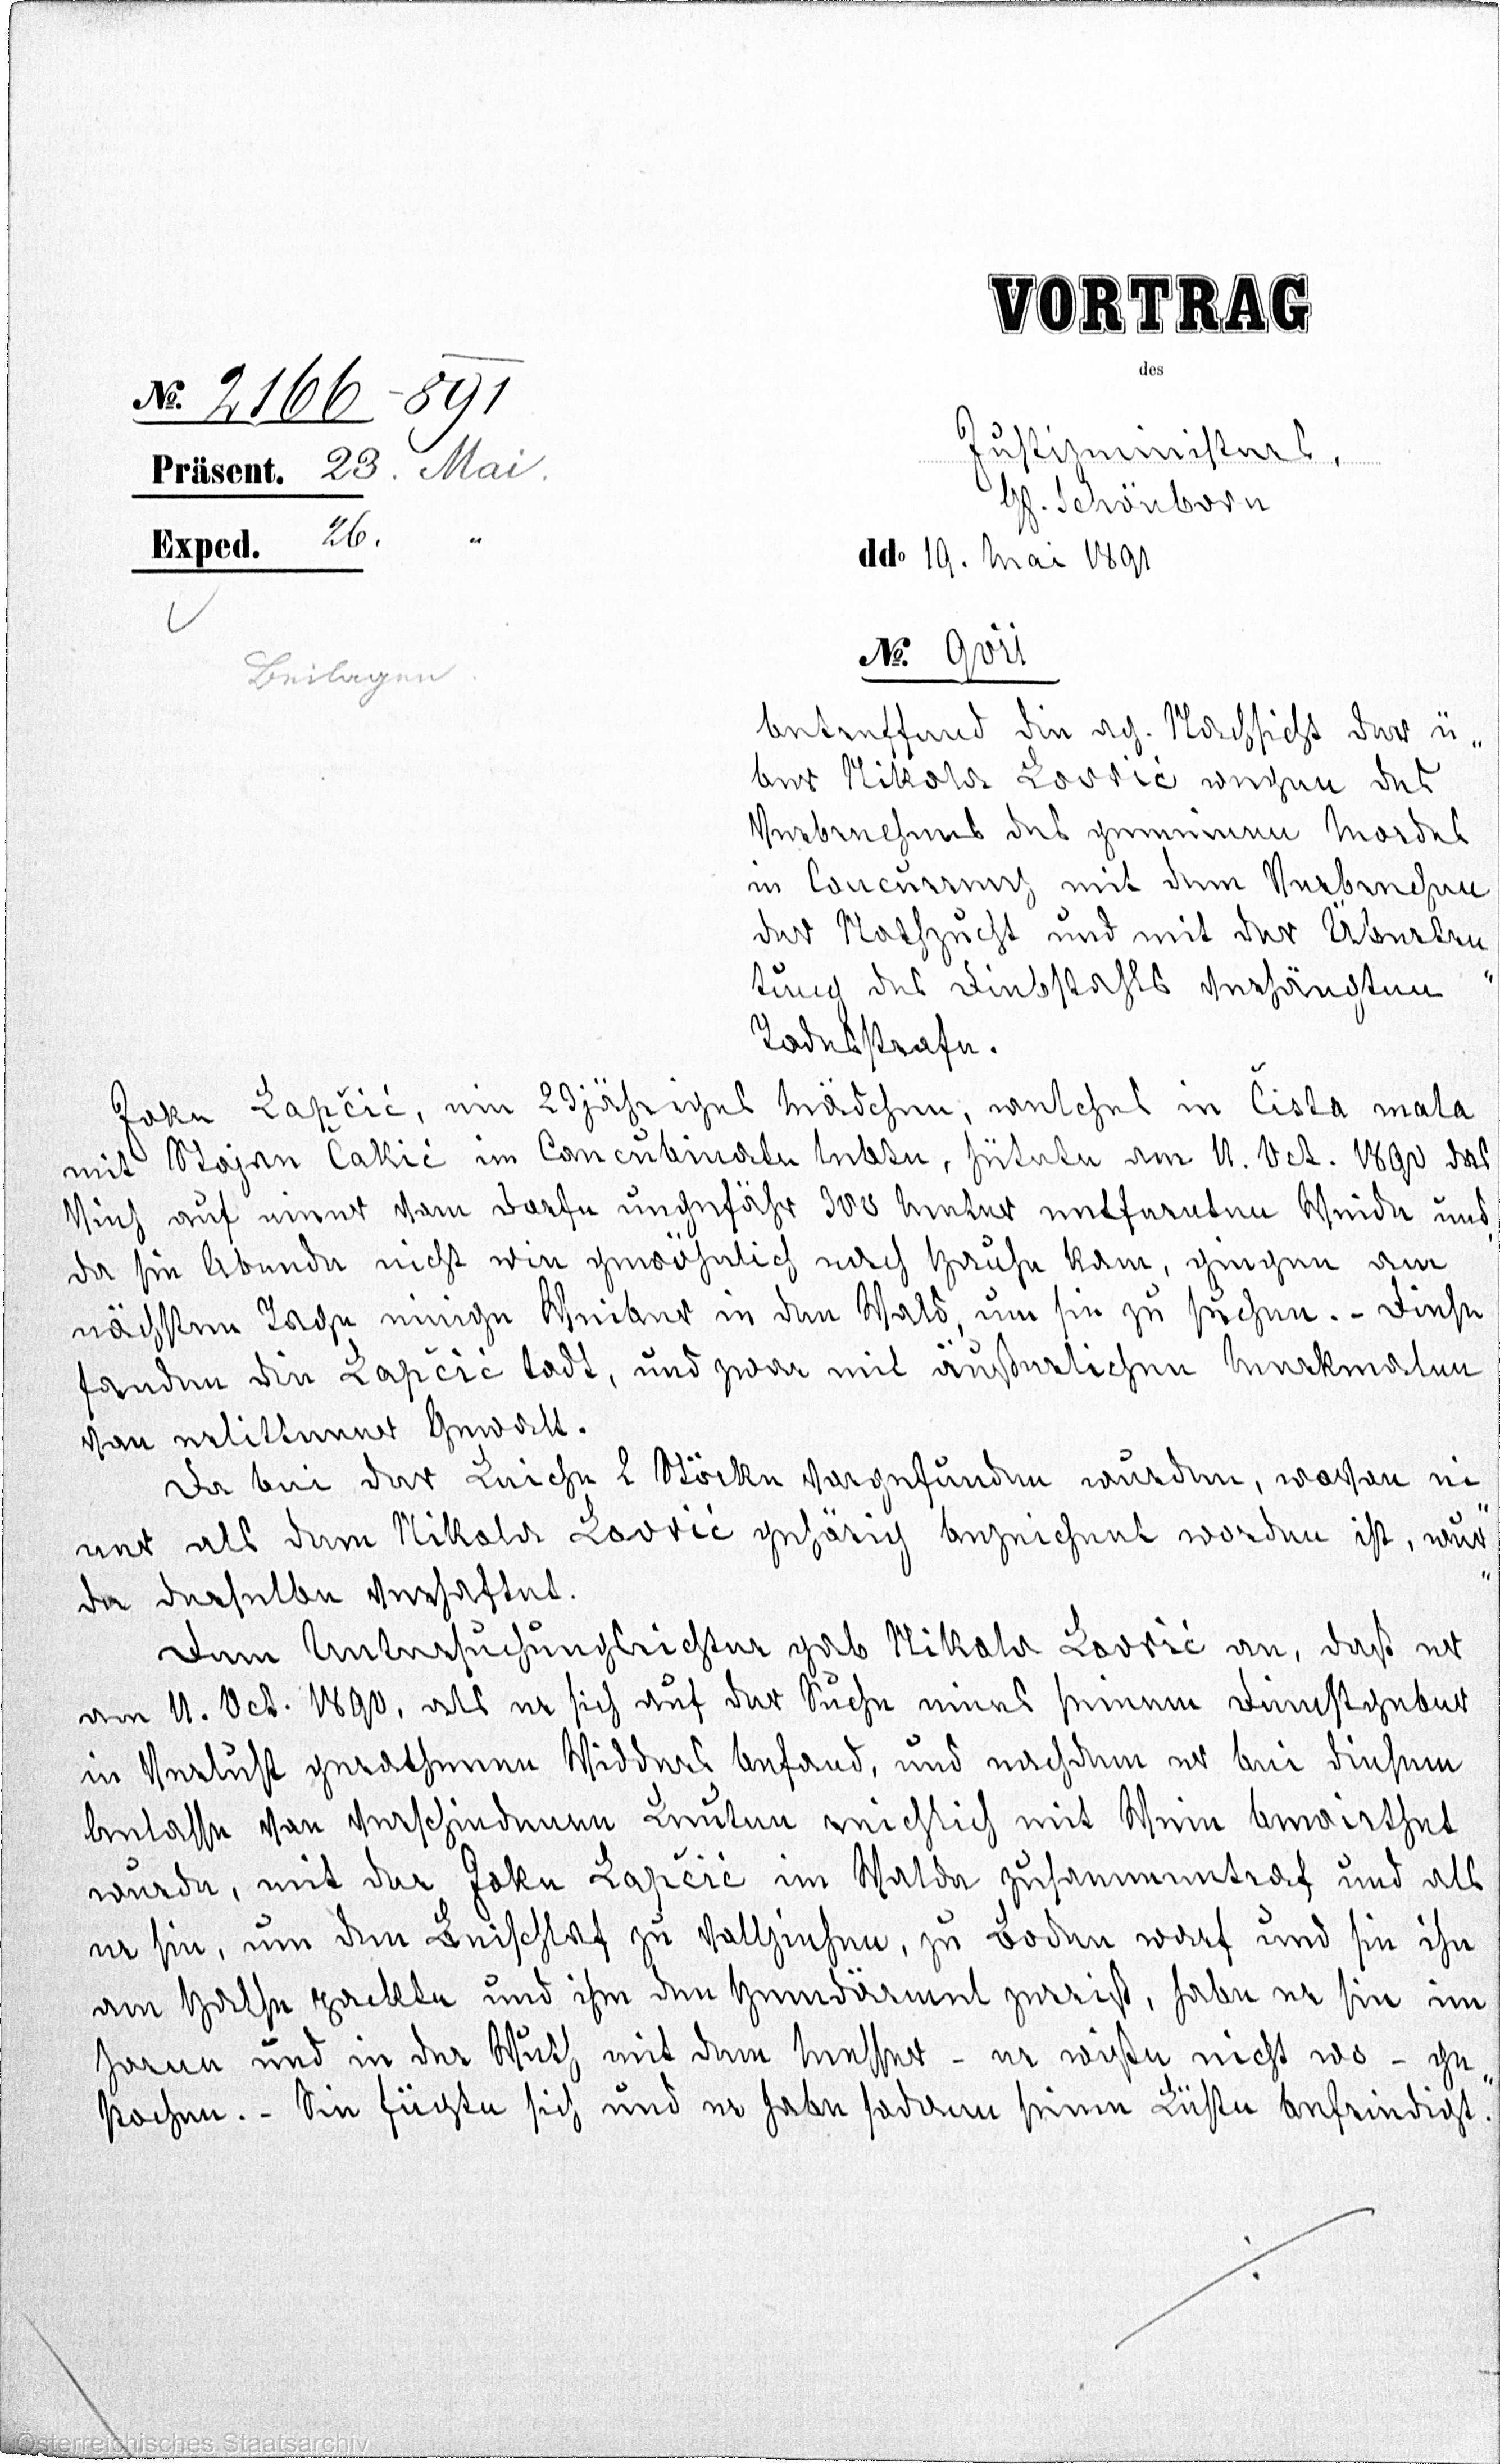No 2015– 1891
Präsent. – 23. Mai
Exped. – 26. „
Beilagen
VORTRAG
des
Justizministers,
Gf. Schönborn
ddo 19. Mai 1891
No. 9011
betreffend die ag. Nachsicht der ü¬
ber Nikola Lovrić wegen des
Verbrechens des gemeinen Mordes
in Concurrenz mit dem Verbrechen
der Nachsicht und mit der Übertre¬
tung des Diebstahls verhängten
Todesstrafe.
Joka Lapčić, ein 23jähriges Mädchen, welches in Čista mala
mit Stojan Čakić im Concubinate lebte, hütete am 11. Oct. 1890 des
Vieh auf einer vom Dorfe ungefähr 300 Meter entfernten Weide und
da sie Abende nicht wie gewöhnlich nach Hause kam, gingen am
nächsten Tage einige Weiber in den Wald, um sie zu suchen. – Diese
fanden die Lapčić todt, und zwar mit äußerlichen Merkmalen
von erlittener Gewalt.
Da bei der Leiche 2 Stöcke vorgefunden wurden, wovon ei¬
ner als dem Nikola Lovrić gehörig bezeichnet worden ist, wur¬
de derselbe verhaftet.
Dem Untersuchungsrichter gab Nikola Lovrić an, daß er
am 11. Oct. 1890, als er sich auf der Suche eines seinem Dienstgeber
in Verlust gerathenen Widders befand, und nachdem er bei diesem
Anlasse von verschiedenen Leuten reichlich mit Wein bewirthet
wurde, mit der Joka Lapčić im Walde zusammentraf und als
er hin, um den Beischlaf zu vollziehen, zu Boden warf und sie ihn
am Halse packte und ihm den Hemdärmel zerriß, habe er sie im
Zorne und in der Wuth mit dem Messer – er wiße nicht wo – ge¬
stochen. – Sie fügte sich und er habe sodann seine Lüste befriedigt.